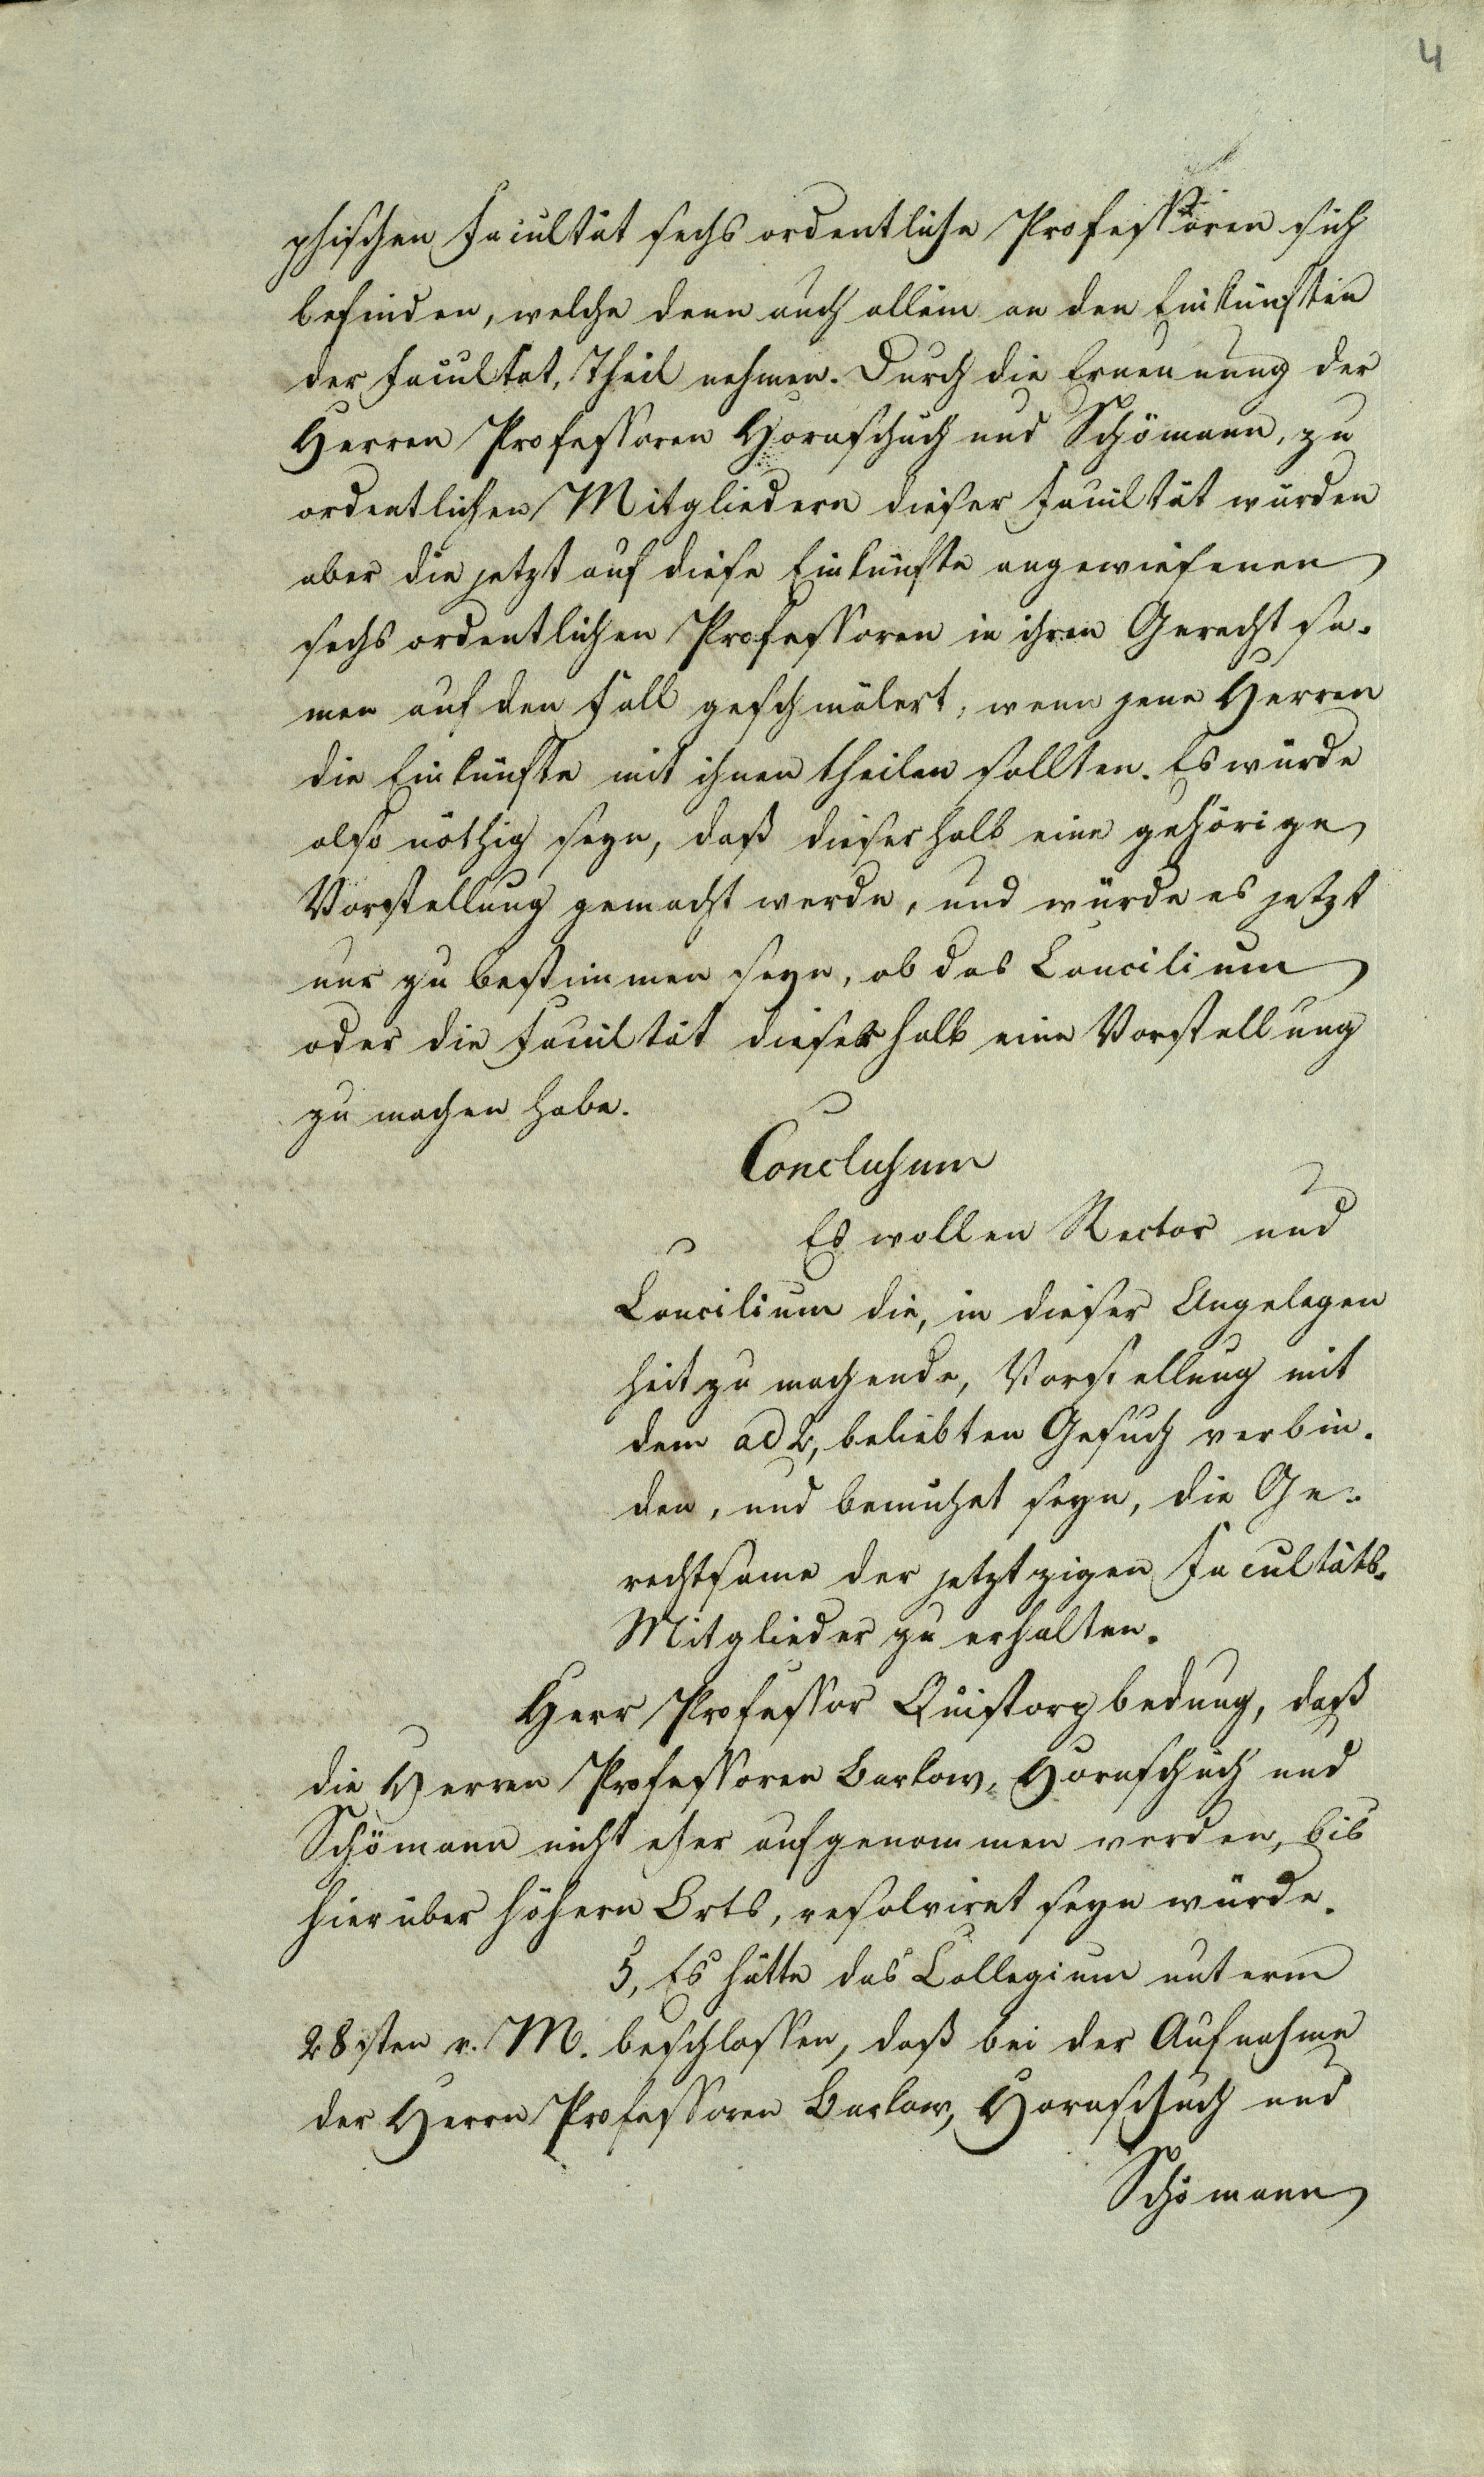phischen Facultät sechs ordentliche Professoren sich
befinden, welche denn auch allein an den Einkünften
der Facultät, Theil nehmen. Durch die Ernennung der
Herren Professoren Hornschuch und Schömann, zu
ordentlichen Mitgliedern dieser Facultät würden
aber die jetzt auf diese Einkünfte angewiesenen
sechs ordentlichen Professoren in ihren Gerechtsa¬
men auf den Fall geschmälert, wenn jene Herren
die Einkünfte mit ihnen theilen sollten. Es würde
also nöthig seyn, daß dieserhalb eine gehörige,
Vorstellung gemacht werde, und würde es jetzt
nur zu bestimmen seyn, ob das Concilium
oder die Facultät dieserhalb eine Vorstellung
zu machen habe.
Conclusum
Es wollen Rector und
Concilium die, in dieser Angelegen¬
heit zu machende Vorstellung mit
dem ad 2, beliebten Gesuch verbin¬
den, und bemühet seyn, die Ge¬
rechtsame der jetzigen Facultäts¬
Mitglieder zu erhalten.
Herr Professor Quistorp bedung, daß
die Herren Professoren Barkow, Hornschuch und
Schömann nicht eher aufgenommen werden, bis
hierüber höhern Orts, resolviret seyn würde.
5, Es hätte das Collegium unterm
28ten v. M. beschlossen, daß bei der Aufnahme
der Herrn Professoren Barkow, Hornschuch und
Schömann